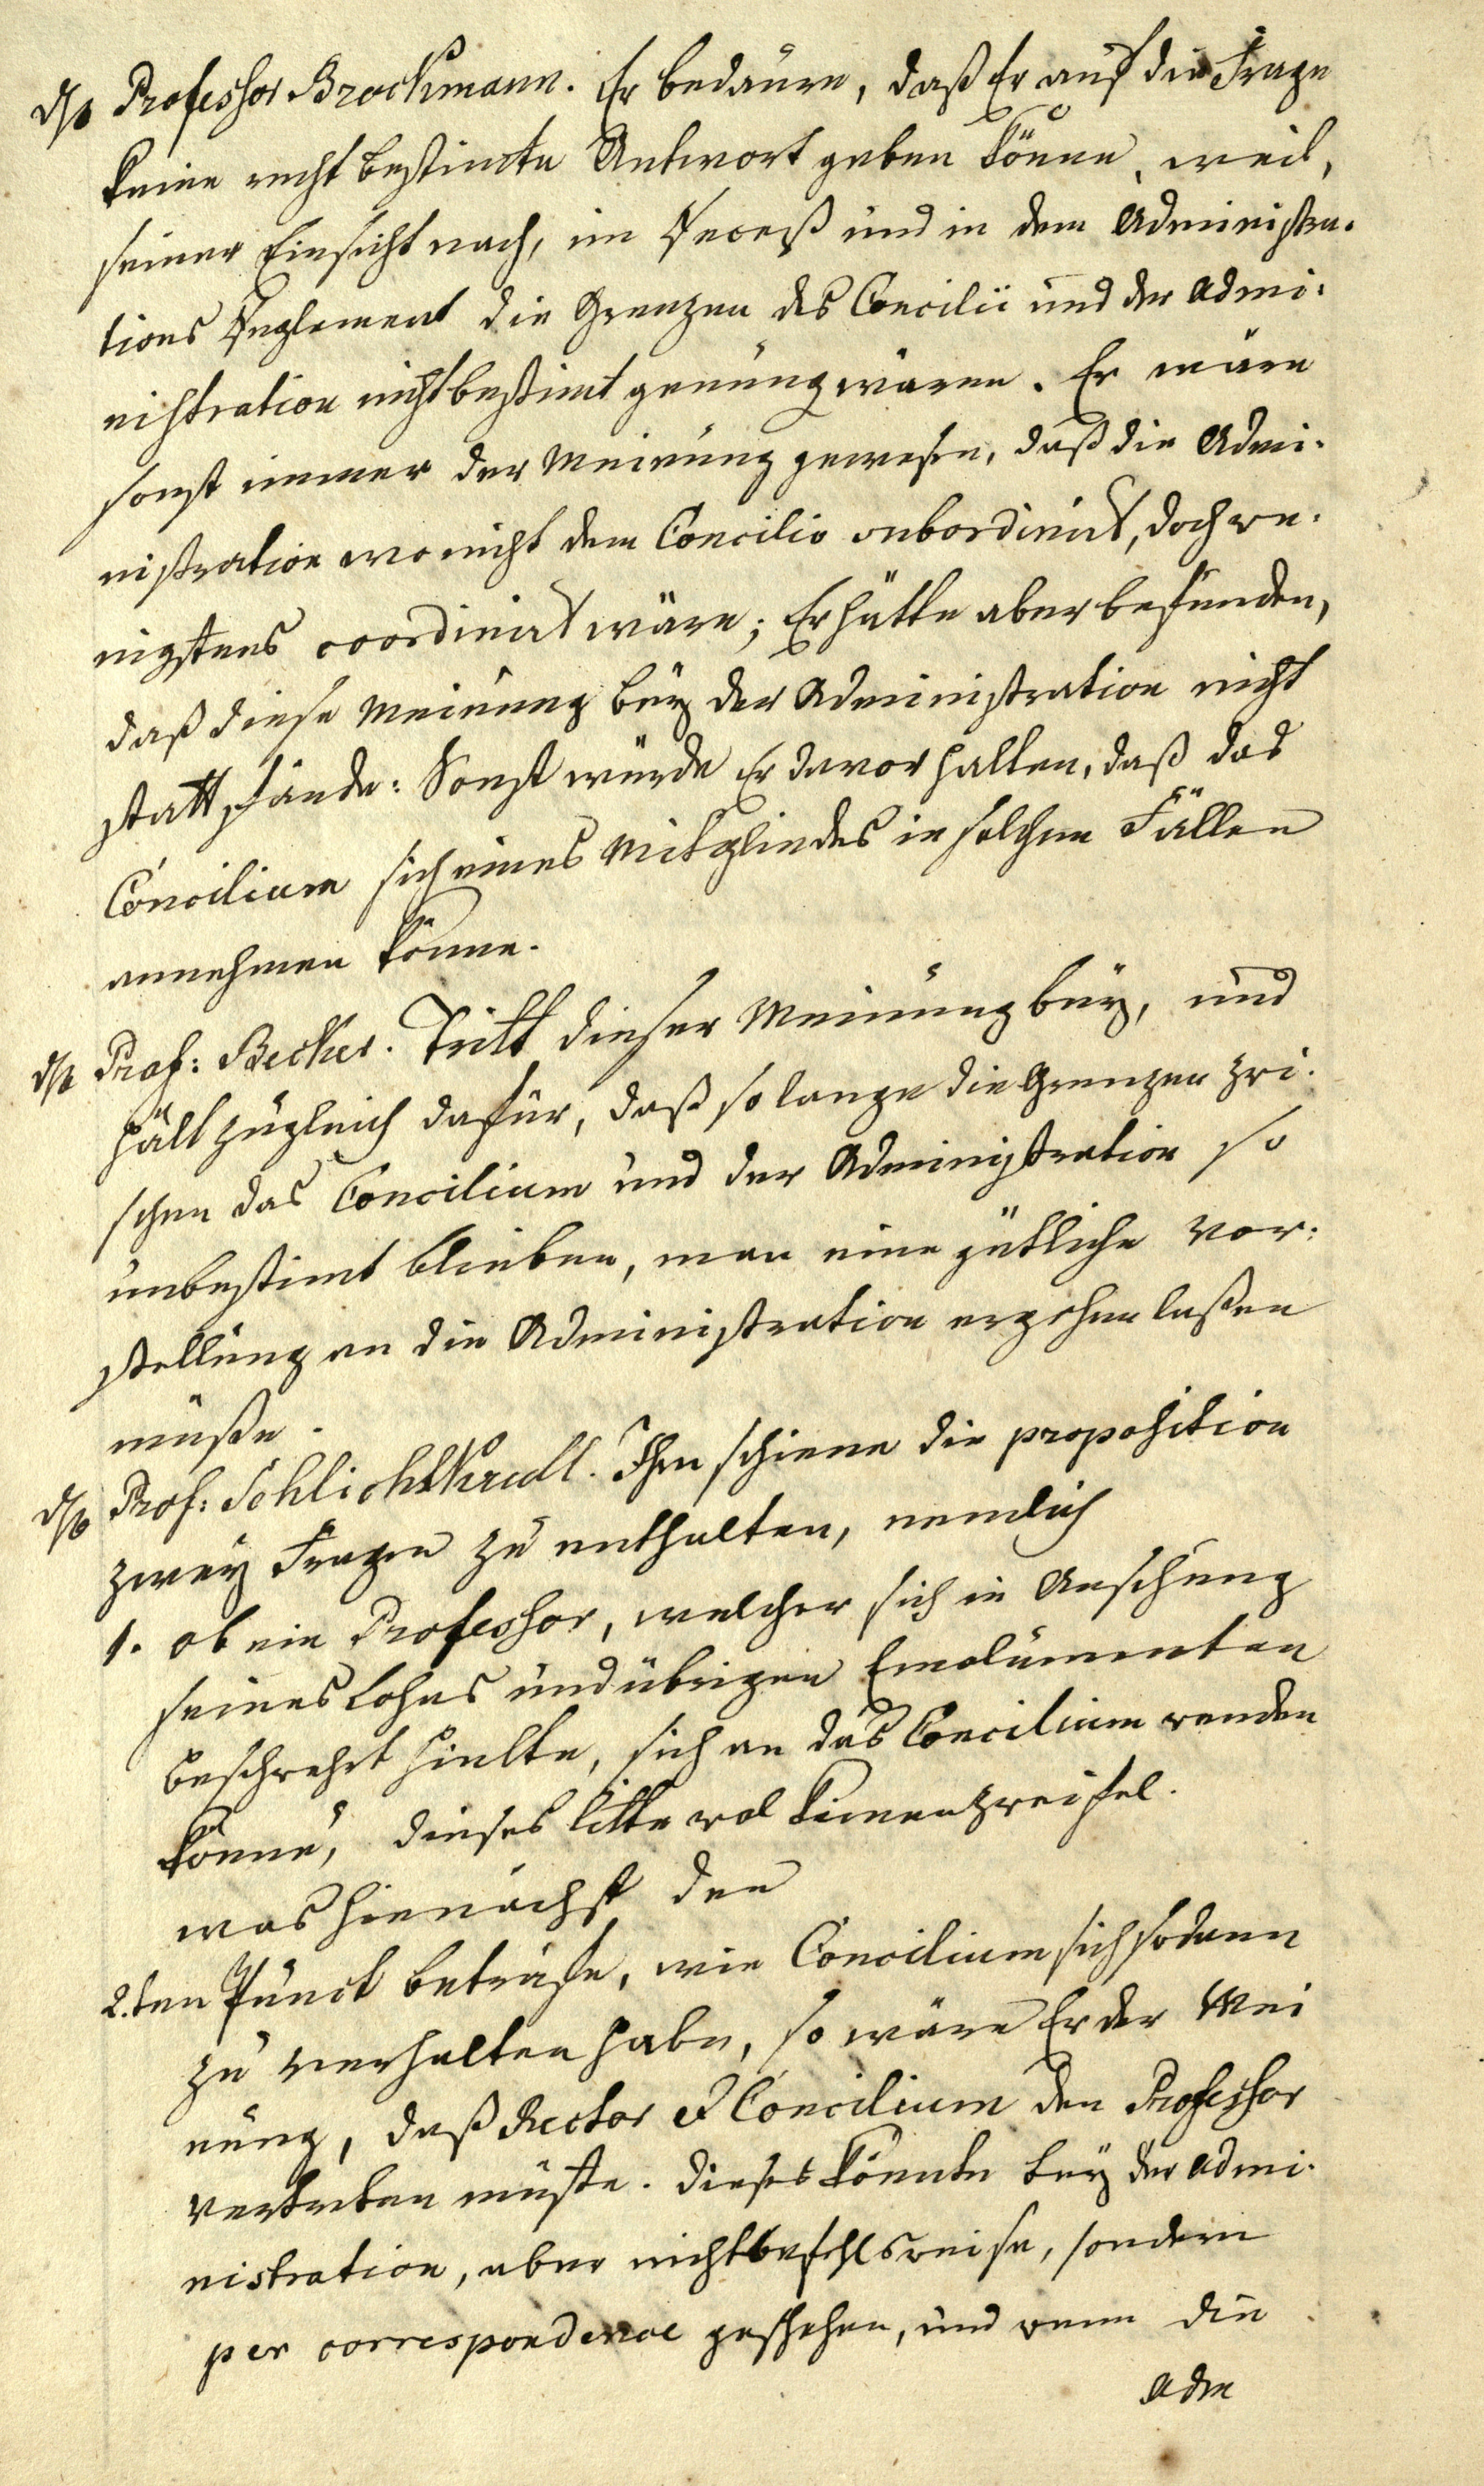dh Professor Brockmann. Er bedaure, daß Er auf die Frage
keine recht bestimte Antwort geben könne, weil,
seiner Einsicht nach, im Receß und in dem Administra¬
tions Reglement die Grenzen des Concilii und der Admi¬
nistration nicht bestimt genung wären. Er wäre
sonst immer der Meinung gewesen, daß die Admi¬
nistration wo nicht dem Concilio subordinirt, doch we¬
wenigstens coordinirt wäre, Er hätte aber befunden,
daß diese Meinung beÿ der Administration nicht
statt fände: Sonst würde Er davor halten, daß das
Concilium sich eines Mitgliedes in solchen Fällen
annehmen könne.
dh. Prof. Becker. Tritt dieser Meinung beÿ, und
hält zugleich dafür, daß so lange die Grenzen zwi¬
schen das Concilium und der Administration so
unbestimt blieben, man eine gütliche vor¬
stellung an die Administration ergehen laßen
müße.
dh Prof. Schlichtkrull. Ihm schiene die proposition
zweÿ Fragen zu enthalten, nemlich
1. ob ein Professor, welcher sich in Ansehung
seines Lohns und übrigen Emolumenten
beschwehrt hielte, sich an das Concilium wenden
könne? dieses litte wol keinen Zweifel.
was hienächst den
2ten Punct beträfe, wie Concilium sich sodann
zu verhalten habe, so wäre Er der Mei¬
nung, daß Rector et Concilium den Professor
vertreten müste. Dieses könnte beÿ er Admi¬
nistration, aber nicht befehlsweise, sondern
per correspondence geschehen, und wenn die
Adm